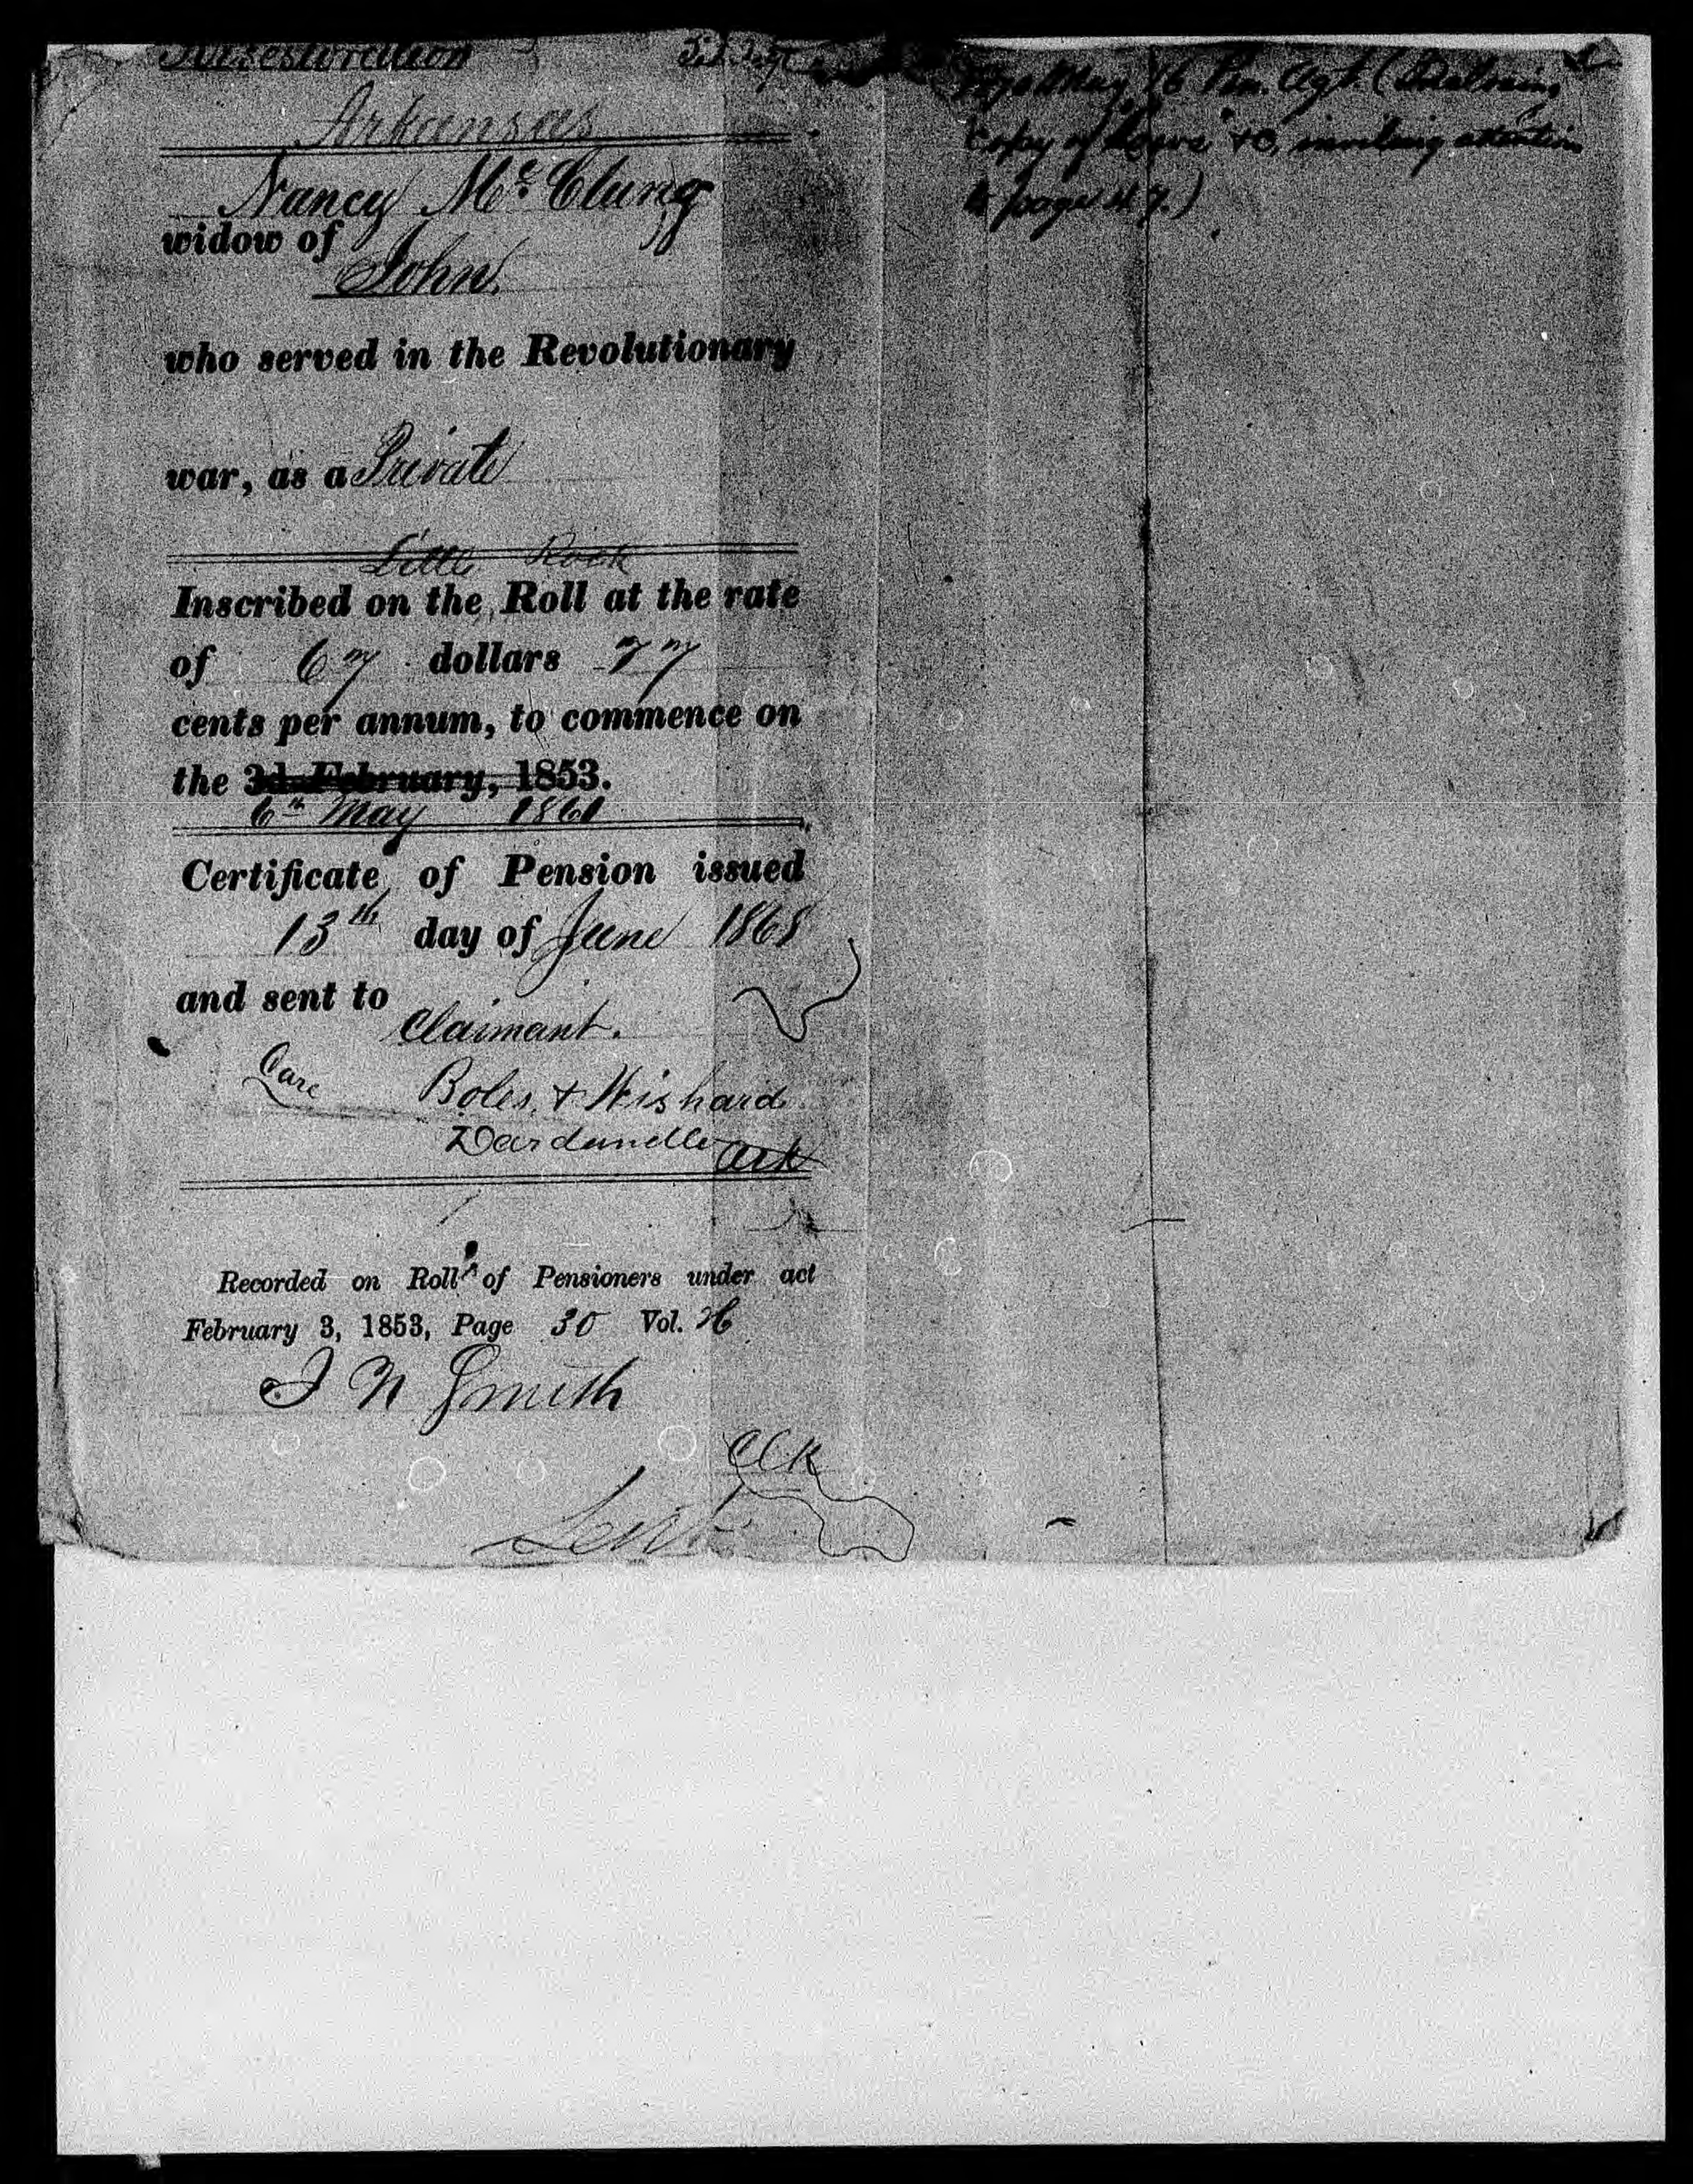[illegible]tion        [illegible]
Arkansas 
=====================
Nancy McClung
widow of
John,
who served in the Revolution
war, as a Private
====================
Little Rock

Inscribed on the Roll at the rate
of 67 dollars 77
cents per annum, to commence on
the 6th May 1861
========================
Certificate of Pension issued
13th day of June 1868
and sent to
Claimant,

care Boles & Wishard
[illegible] Ark
========================
Recorded on Roll of Pensioners under act
February 3, 1853, Page 30 Vol.H
J H Smith
Clk
Sent

1870 May 16 Pen Agt ([illegible]
copy of [illegible] &c, mailing attention
page 47)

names: Nancy Mc Clung; J H Smith; [BLANK] Wishard; John Mc Clung; [BLANK] Boles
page: 49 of 115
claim: widow's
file: W. 1446, for John Mc Clung, South Carolina